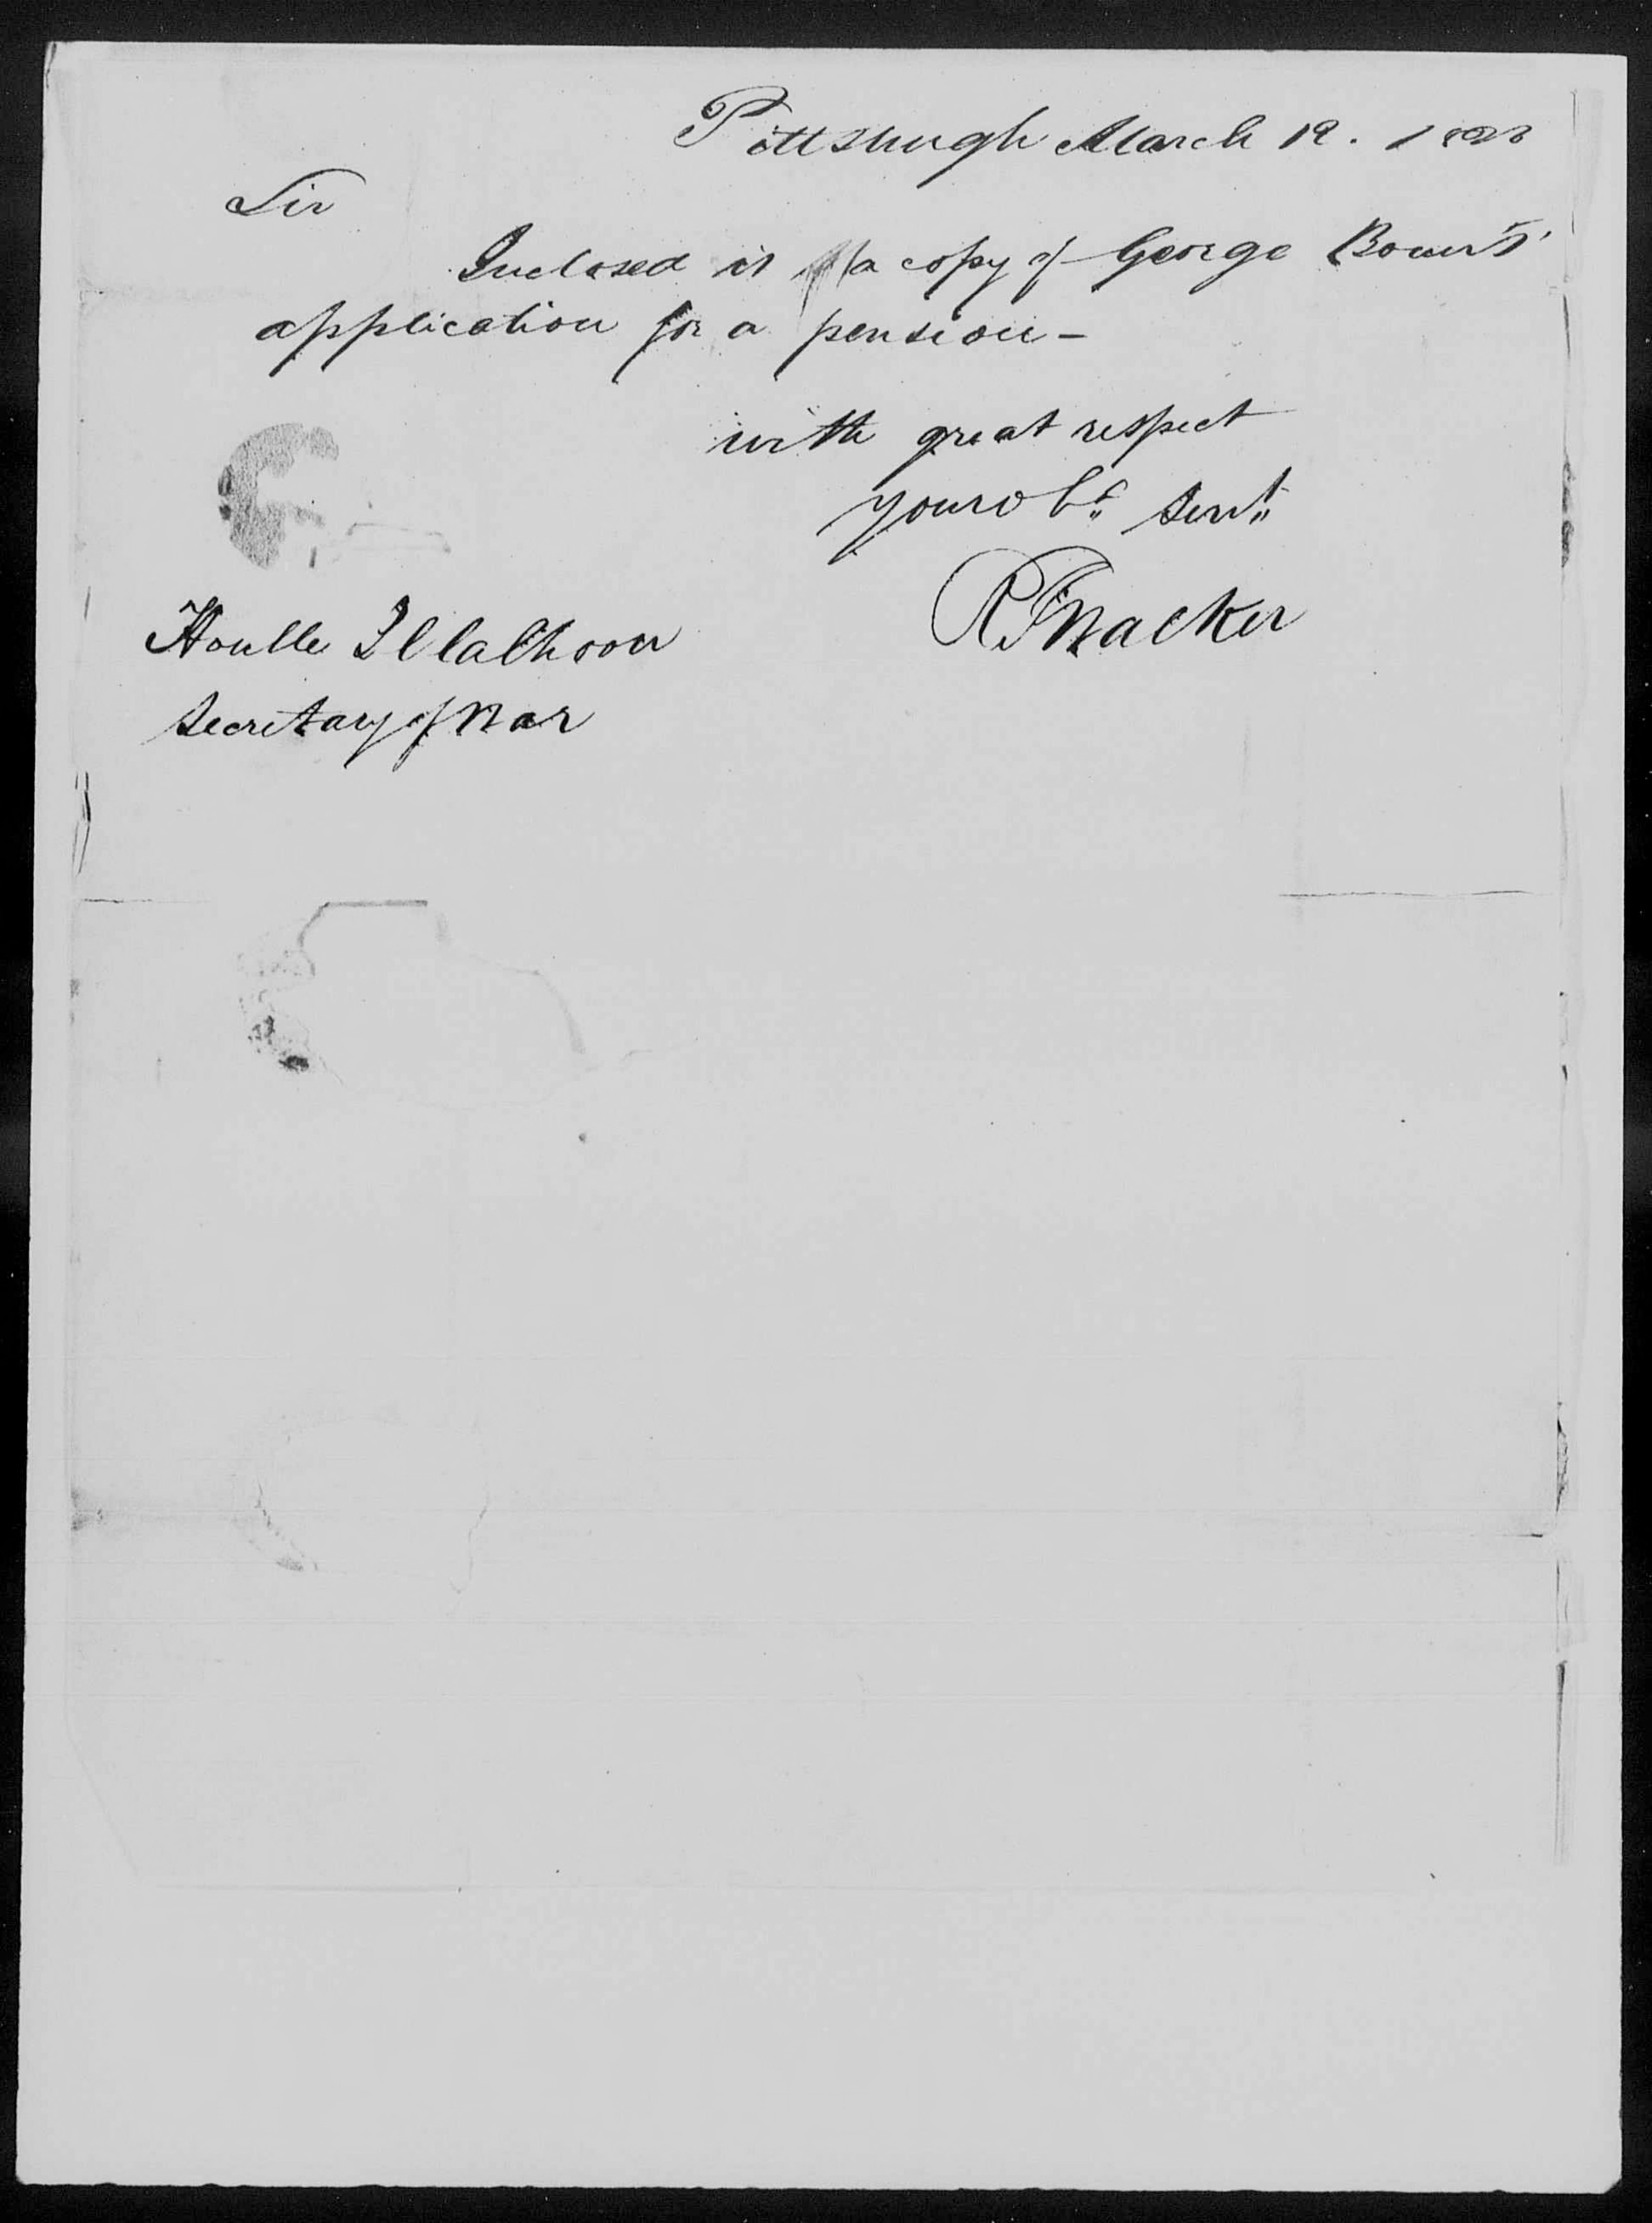[handwritten]

Pittsburg March 19. 1822

Sir

Enclosed is a copy of George Bowers application for a pension - 
with great respect
Your Obt Sevt
R J Walker
Honbl.  J C Calhoon
Secretary of War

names: Houlle Illalhoon, R J Walker, George Bowers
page: 16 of 19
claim: survivor's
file: S. 40,018, George Bowers, Md